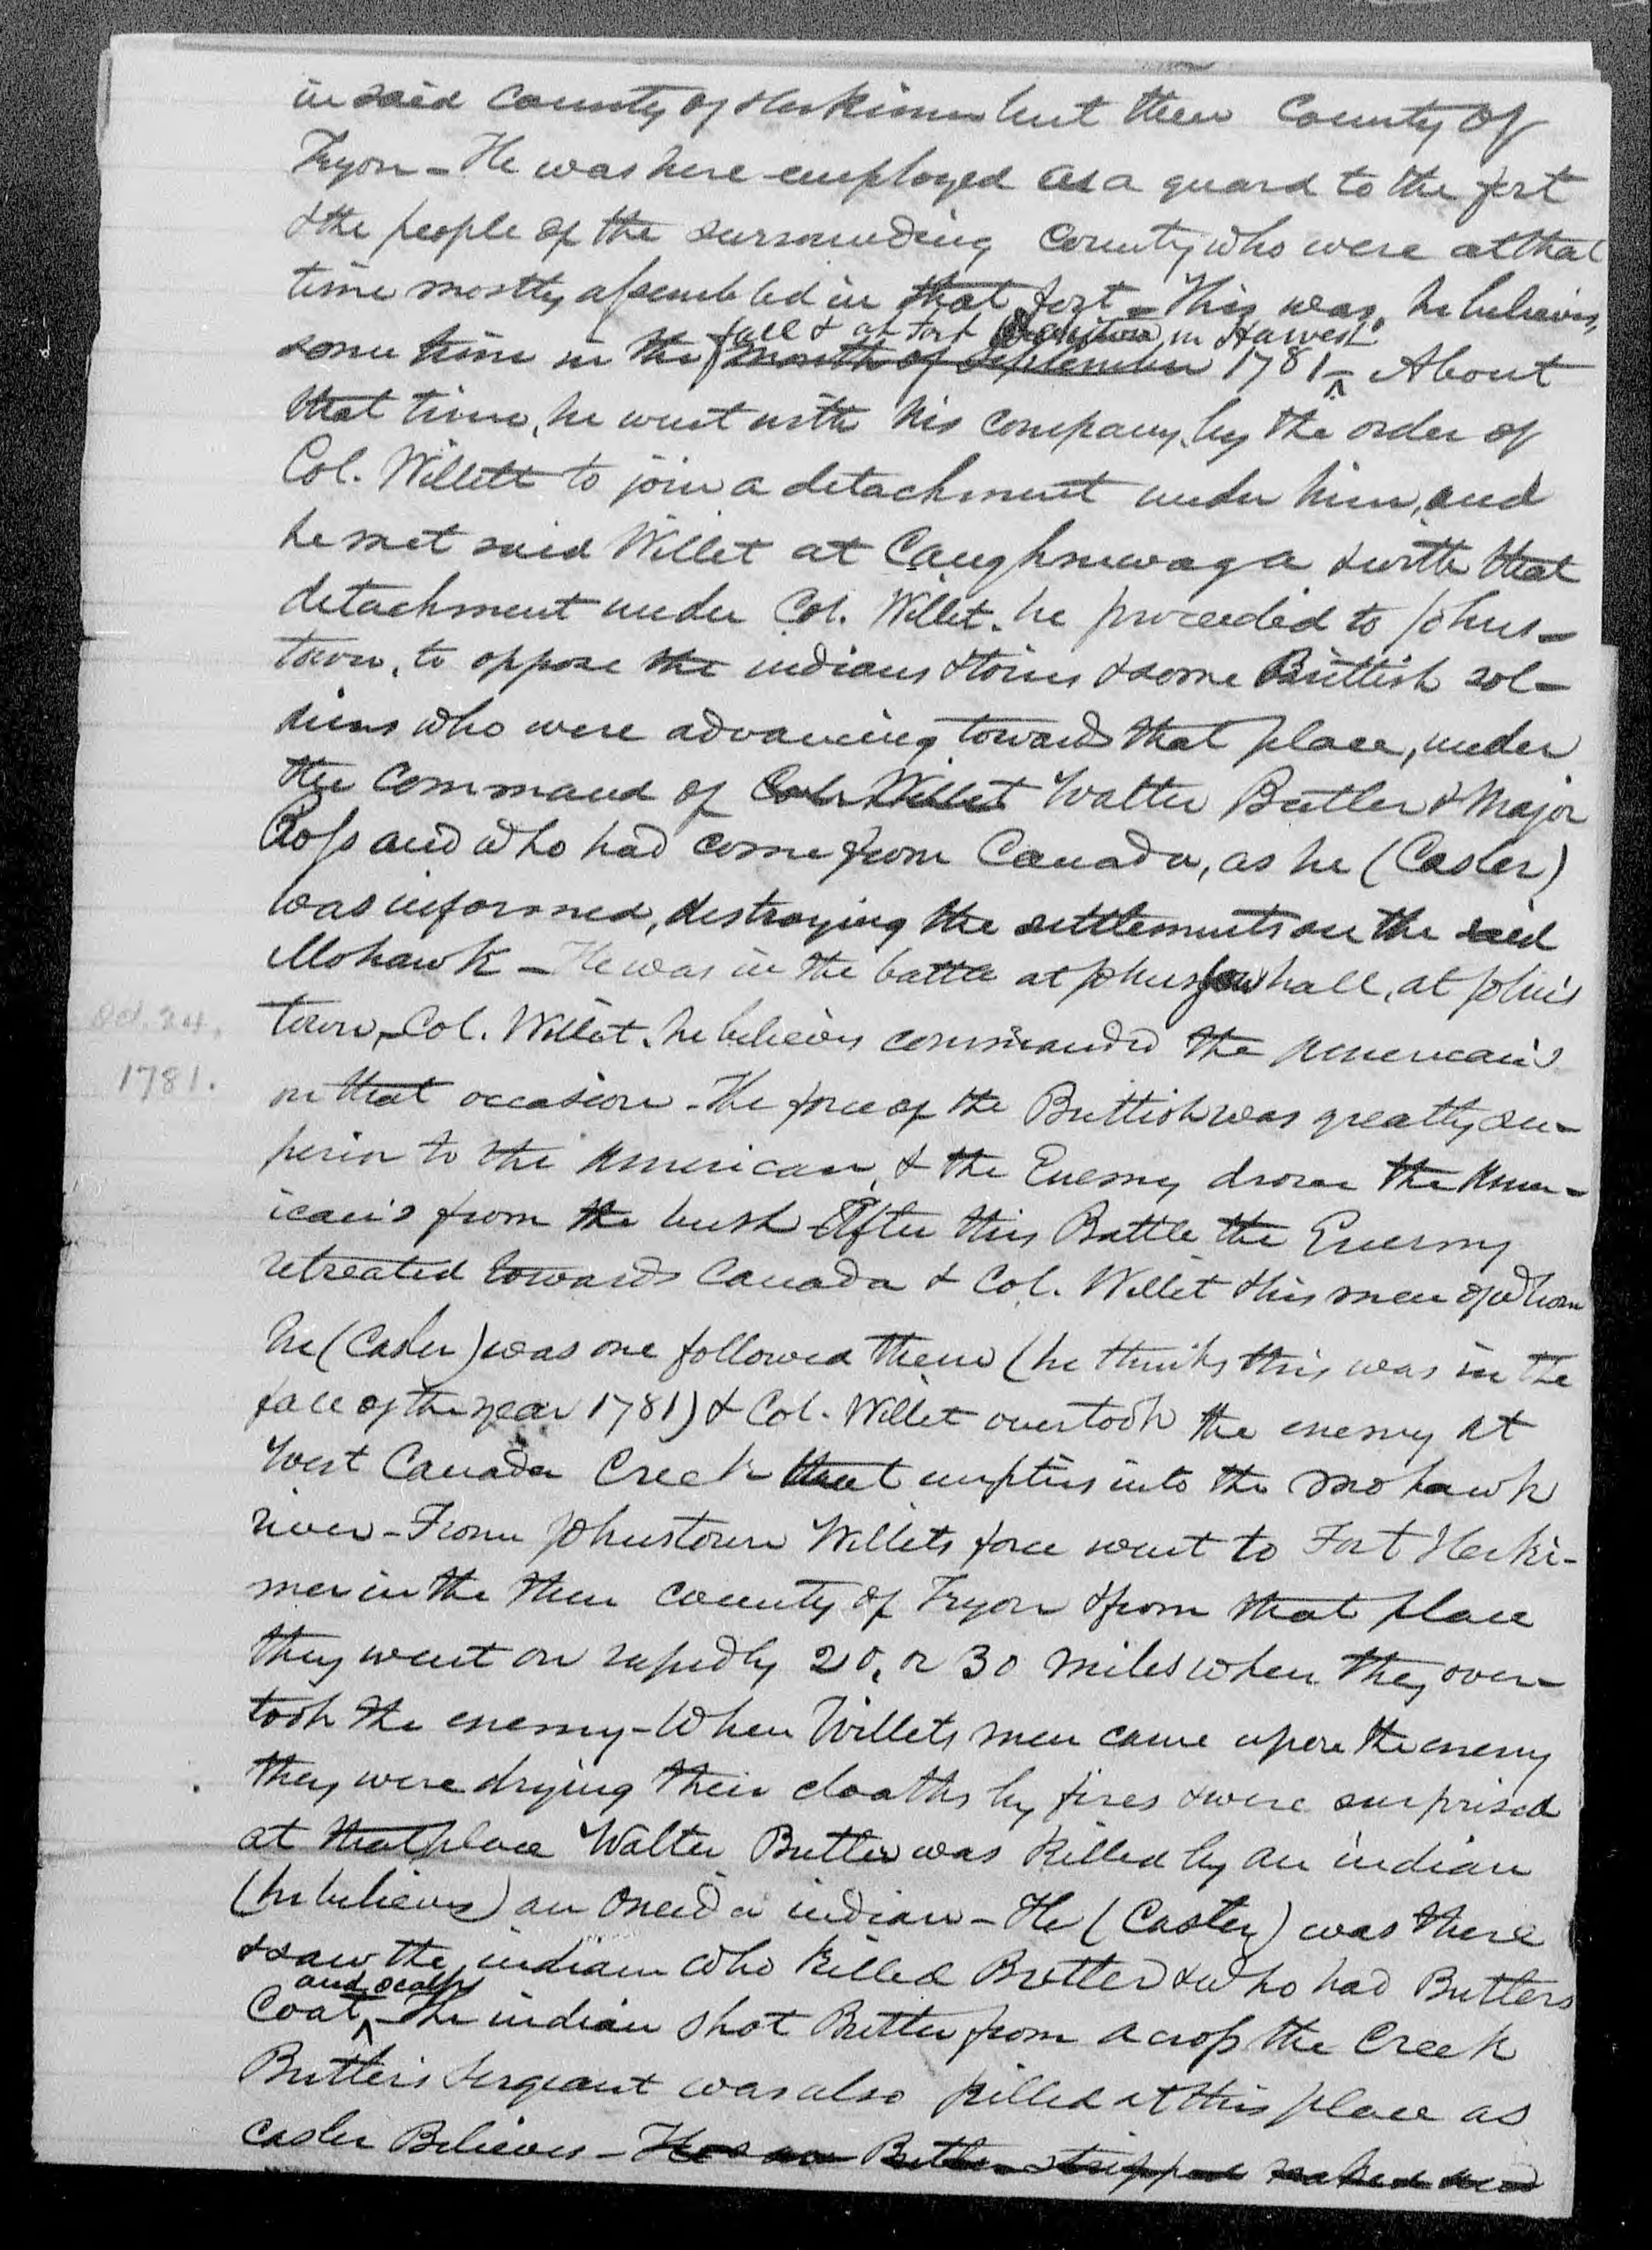in said County of Herkimer but then County of Tryon - He was here employed as a guard to the fort & the people of the surrounding county who were at that time mostly assembled in that fort - This was, he believes, some time in the fall & at Fort [illegible] in Harvest 1781 - About that time, he went with his company by the order of Col. Willett to join a detachment under him, and he met said Willet at Caughnawaga & with that detachment under Col. Willet he proceeded to Johnstown, to oppose the indians & tories & some Brittish soldiers who were advancing towards that place, under the command of Walter Butler & Major Ross and who had come from Canada, as he (Casler) was informed, destroying the settlements on the said Mohawk - He was in the battle at Johnson hall, at John's town - Col. Willet, he believes commanded the American’s on that occasion - The force of the Brittish was greatly superior to the American, & the Enemy drove the American's from the bush - After this Battle the Enemy retreated towards Canada & Col. Willett & his men of whom he (Casler) was one followed them (he thinks this was in the fall of the year 1781) & Col. Willet overtook the enemy at West Canada Creek that empties into the Mohawk river - From Johnstown Willets force went to Fort Herkimer in the then county of Tryon & from that place they want on rapidly 20 or 30 miles when they overtook the enemy - When Willets men came upon the enemy they were drying their cloaths by fires & were surprised at that place Walter Butler was killed by an indian (he believes) an Oneida Indian - He (Caster) was there & saw the indian who killed Butler & who had Butlers coat and scalp - The indian shot Butler from across the Creek Butler's Sergeant was also killed at this place as Casler Believes - [crossed out: He saw Butler stripped naked and]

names: Willet, Willet, Caster, Willet, Butler, Mohawk, Willet, Casler, Willett, Willet, Willet, Ross, Butler, Casler, Butler, Willet, Walter Butler, Butler, Walter Butler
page: 5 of 66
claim: widow's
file: W. 6637, Richard Caslar, New York